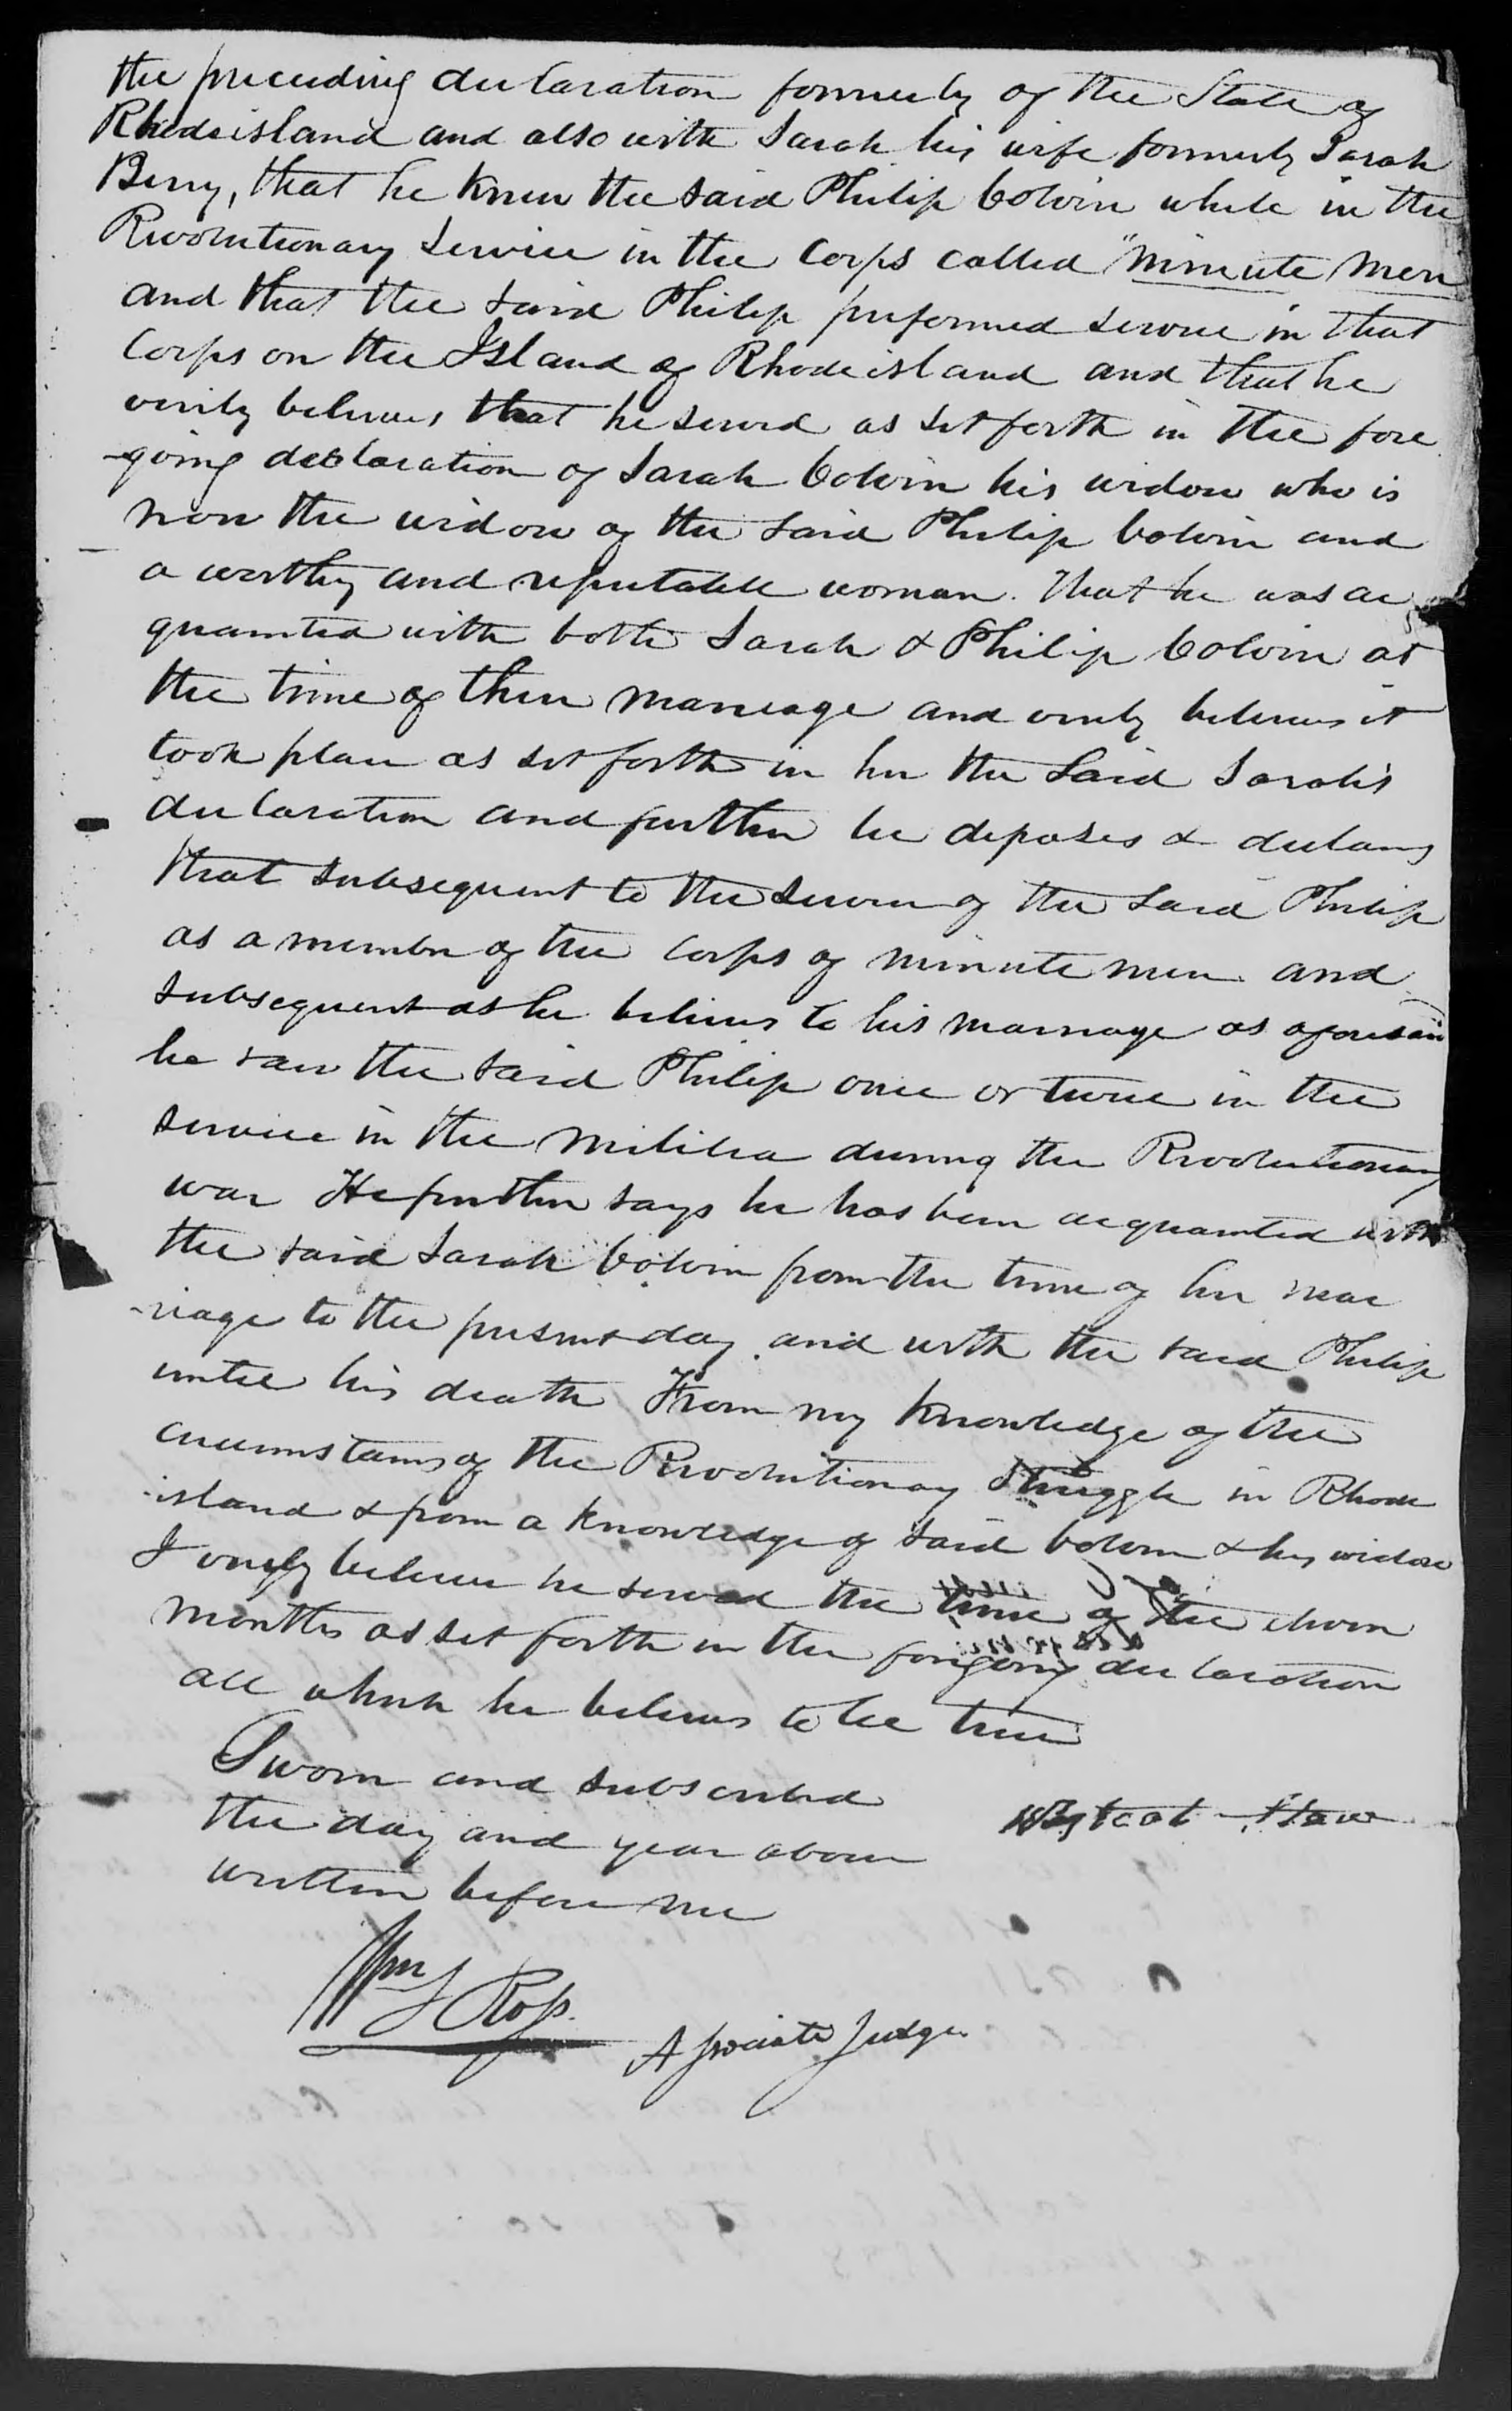the preceeding declaration formerly of the state of Rhode Island and also with Sarah his wife formerly Sarah Berry, that he knew the said Philip Colvin while in the Revolutionary service in the corps called "minute men" and that the said Philip performed service in that corps on the Island of Rhode Island and that he verily believes that he served as set forth in the foregoing declaration of Sarah Colvin his widow who is now the widow of the said Philip Colvin and a worthy and reputable woman. That he was acquainted with both Sarah & Philip Colvin at the time of their marriage and verily believes it took place as set forth in her the said Sarah's declaration and further he deposes & declares that subsequent to the service of the said Philip as a member of the corps of minute men and subsequent as he believes to his marriage as aforesaid he saw the said Philip once or twice in the service in the militia during the Revolutionary war. He further says he has been acquainted with the said Sarah Colvin from the time of her marriage to the present day and with the said Philip until his death. From my knowledge of the circumstances of the Revolutionary struggle in Rhode Island & from a knowledge of said Colvin & his widow I verily believe he served the time of the [illegible] months as set forth in the foregoing declaration all which he believes to be true.
Westcot Stone

Sworn and subscribed the day and year above written before me.
Wm S Ross Associate Judge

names: Philip Colvin, Philip, Philip Colvin, Westcot Stone, Sarah, Philip, Colvin, Sarah Berry, Philip, Philip, Sarah Colvin, Wm S Ross, Sarah Colvin, Sarah Colvin, Philip Colvin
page: 6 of 41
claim: widow's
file: W. 3513, Philip Colvin, R.I.